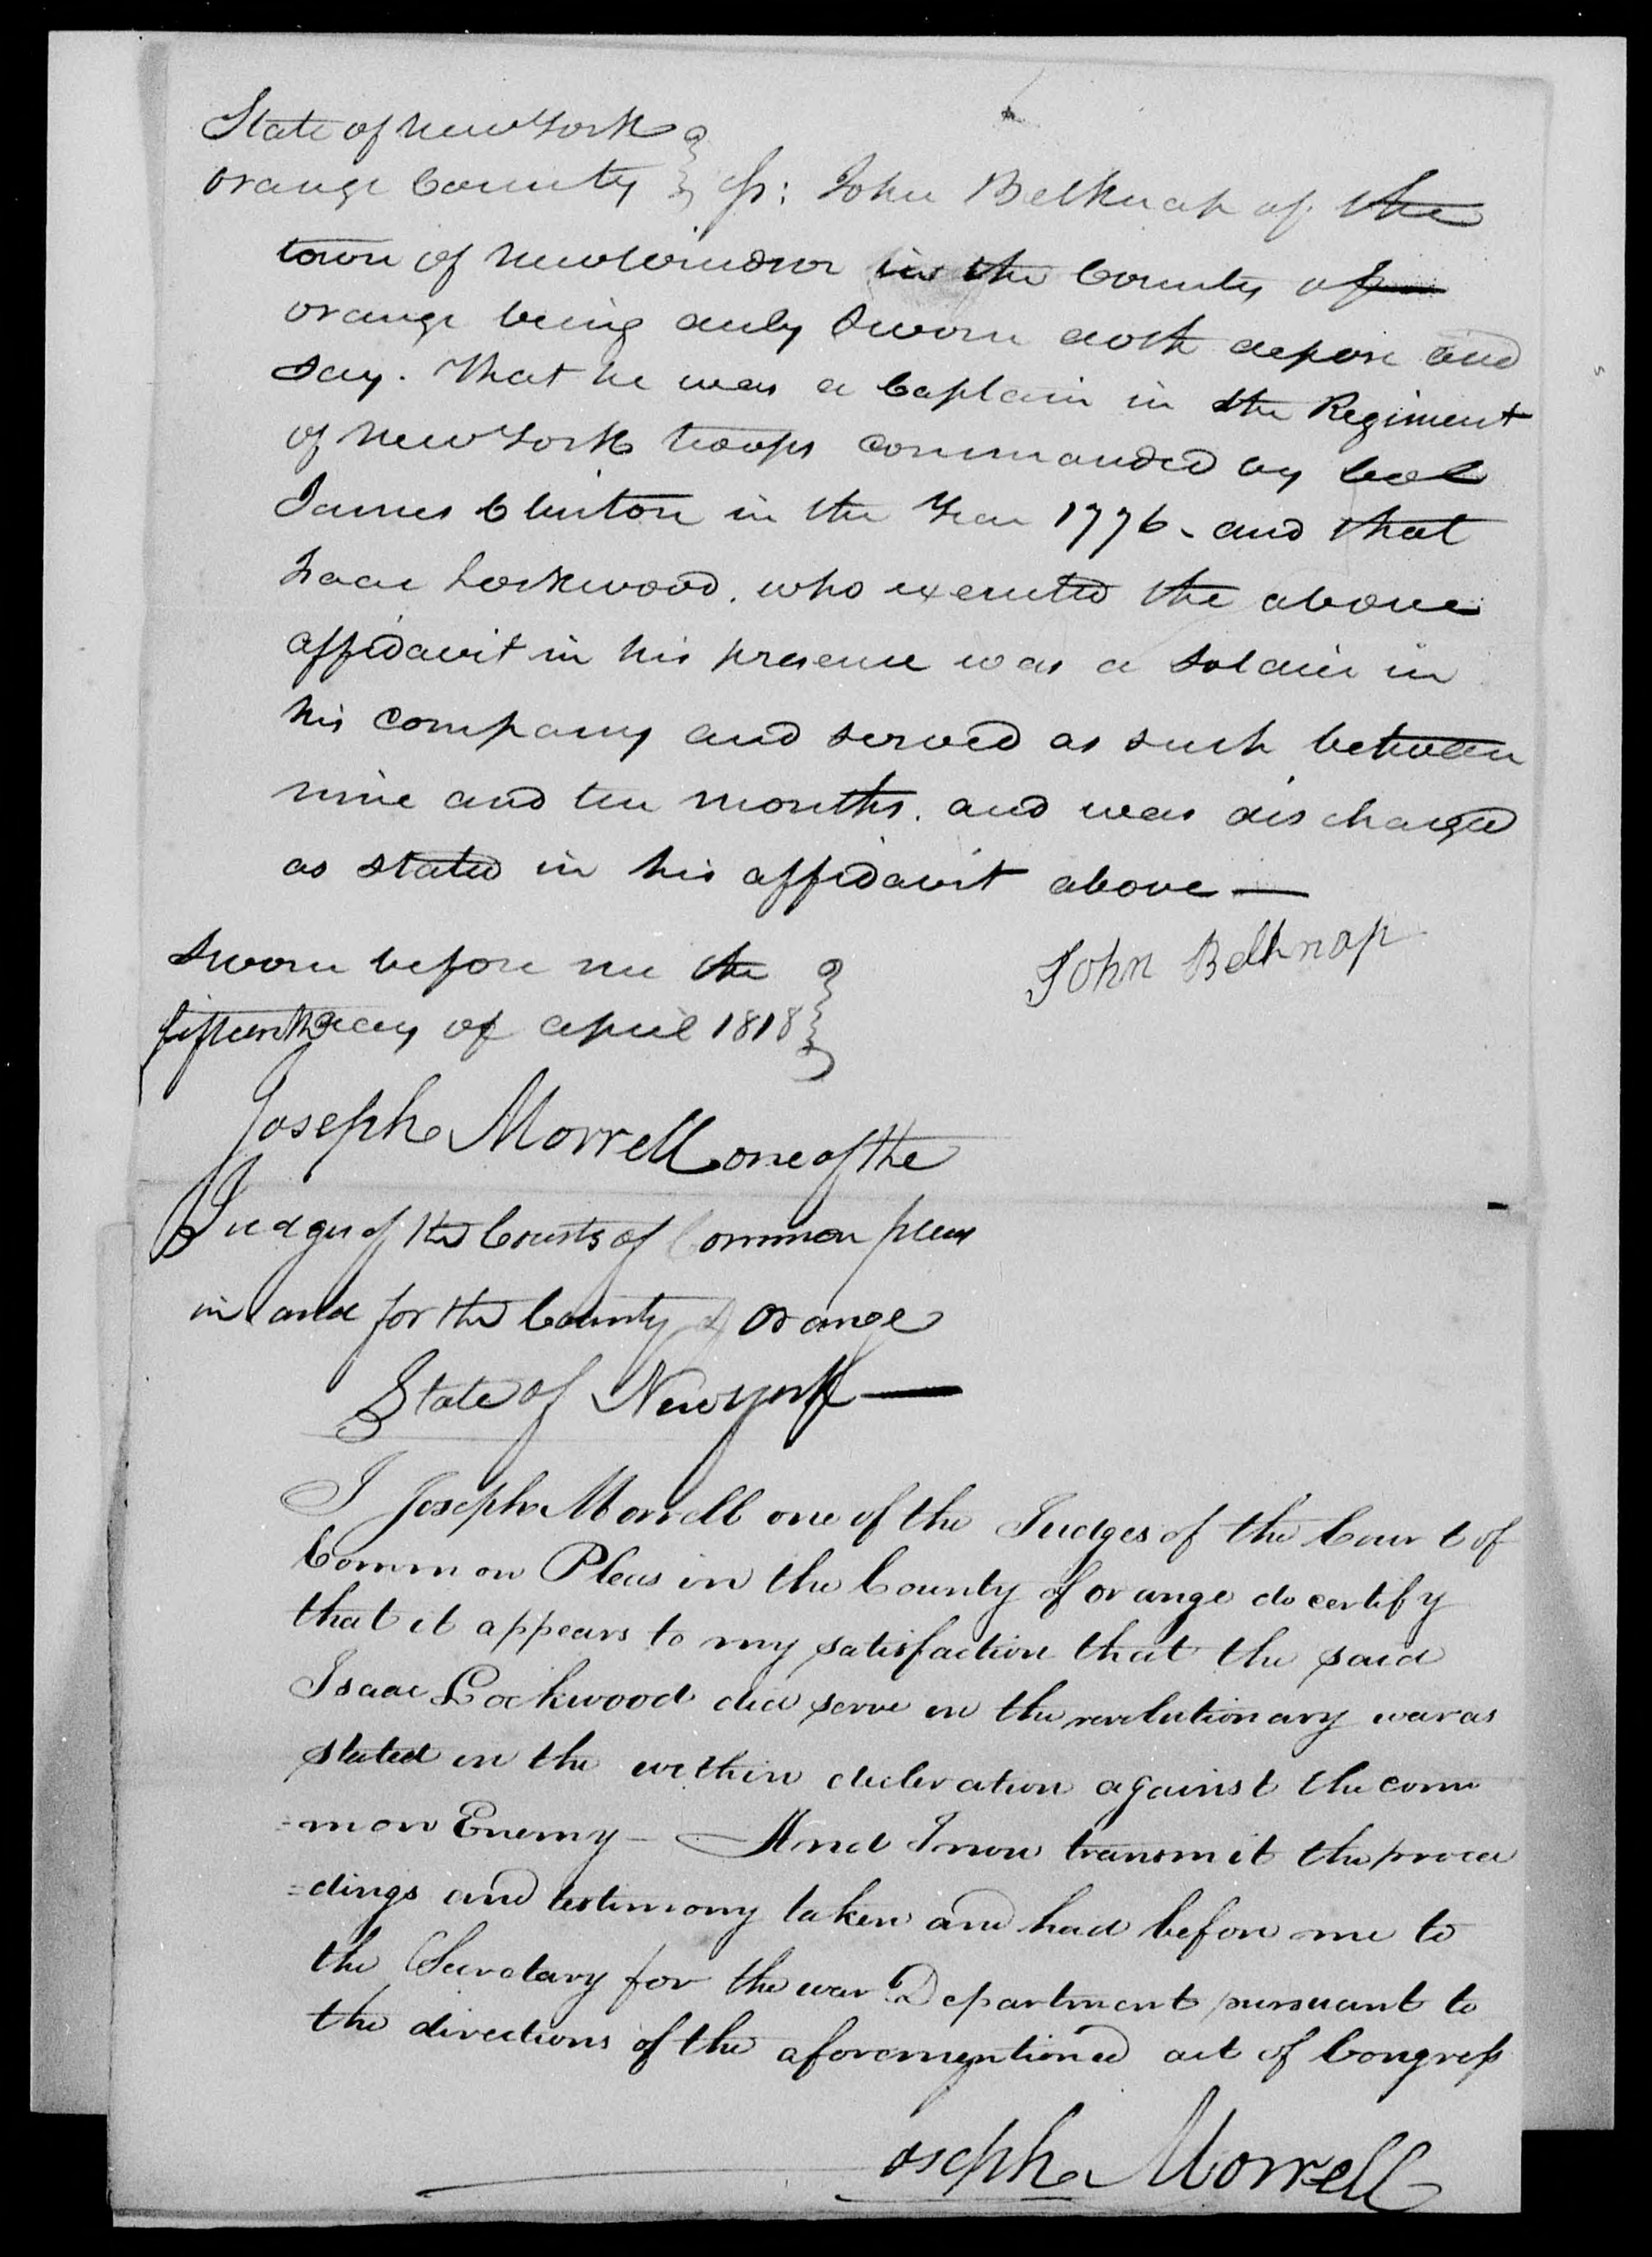State of New York}
Orange County} Ss:  John Belknap of the town of newwindsor? in the County of Orange being duly sworn doth depose and say  That he was a Captain in the Regiment of New York troops commanded by Col James Clinton in the year 1776. and that Isaac Lockwood, who executed the above affidavit in his presence was a soldier in his company and served as such between nine and ten months and was discharged as stated in his affidavit above --

[signature] John Belknap

Sworn before me the} 
fifteenth day of April 1818}

Joseph Morrell one of the
Judges of the Courts of Common Pleas
in and for the County of Orange
State of New York --

I Joseph Morrell one of the Judges of the Court of Common Pleas in the County of Orange do certify that it appears to my satisfaction that the said Isaac Lockwood did serve in the revolutionary war as stated on the within declaration against the common Enemy -- And I now transmit the proceedings and testimony taken and had before me to the Secretary for the war Department pursuant to the directions of the aforementioned act of Congress

[signature] Joseph Morrell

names: Isaac Lockwood; John Belknap; Joseph Morrell; James Clinton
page: 8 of 23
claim: survivor's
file: S 42891, for Isaac Lockwood, New York